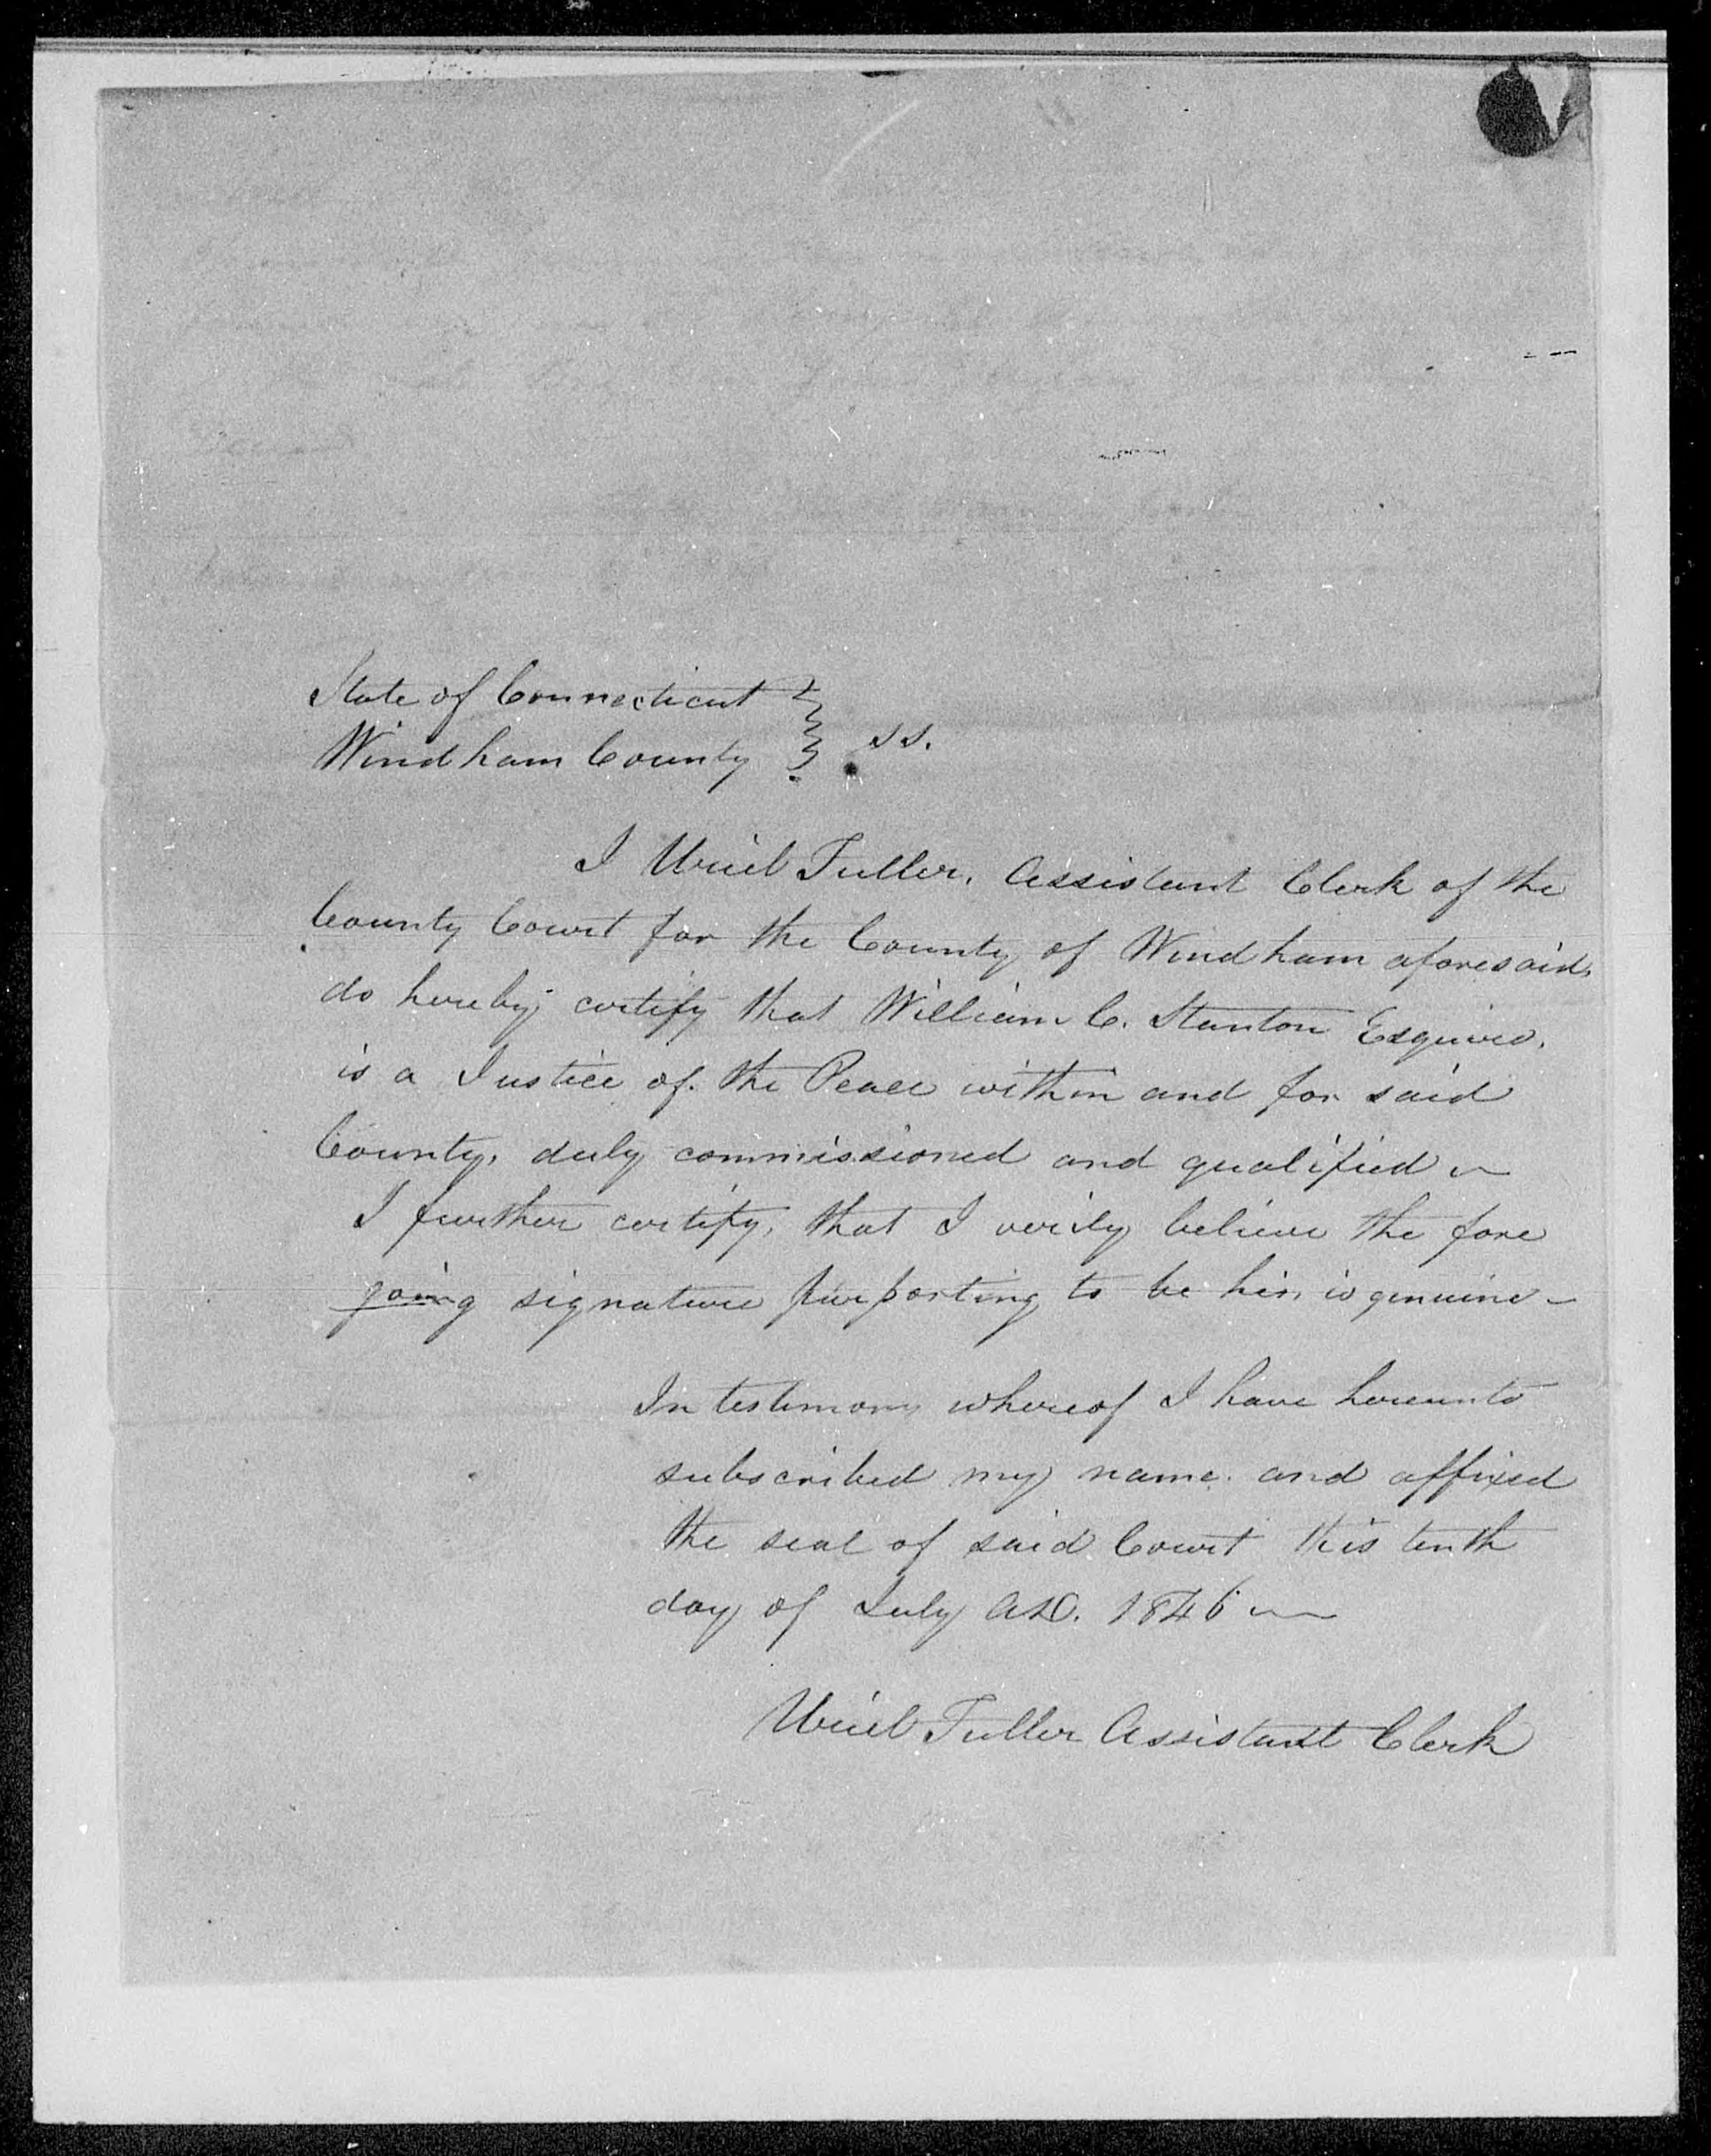State of Connecticut
Windham County} SS
I Uriel Fuller, Assistant Clerk of the
County Court for the County of Windham aforesaid
do hereby certify that William C. Stanton Esquire
is a Justice of the Peace within and for said
County, duly commissioned and qualified -
I further certify that I verily believe the fore
going signature purporting to be his is genuine-
[seal] In testimony whereof I have hereunto
subscribed my name and affixed
the seal of said Court this tenth
day of July A.D. 1846 -
Uriel Fuller Assistant Clerk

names: Uriel Fuller, William C Stanton, Uriel Fuller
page: 58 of 61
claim: survivor's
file: S. 22798, Paul Griffiths, R.I.